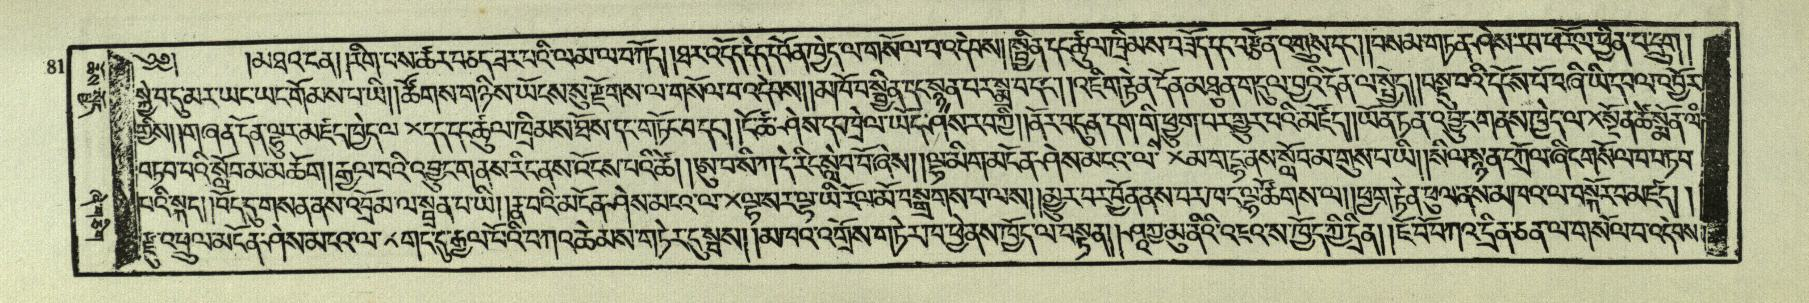༄༅། །མཐའ་ངན། །རིག་པས་ཚར་བཅད་ཟར་པའི་ལམ་ལ་བཀོད། །ཐར་འདོད་དེད་དཔོན་ཁྱེད་ལ་གསོལ་བ་འདེབས། །སྦྱིན་དང་ཚུལ་ཁྲིམས་བཟོད་དང་བརྩོན་འགྲུས་དང་། །བསམ་གཏན་ཤེས་རབ་ཕ་རོལ་ཕྱིན་པ་དྲུག།
སྐྱེ་བ་དུ་མར་ཡང་ཡང་གོམས་པ་ཡི། །ཚོགས་གཉིས་ཡོངས་སུ་རྫོགས་ལ་གསོལ་བ་འདེབས། །མཁོ་བ་སྦྱིན་དང་སྙན་པར་སྨྲ་བ་དང་། །འཇིག་རྟེན་དོན་མཐུན་གདུལ་བྱའི་དོན་ལ་སྤྱེད། །བསྡུ་བའི་དངོས་པོ་བཞི་ཡིད་བལ་འབྱོར་
གྱིས། །གཞན་དོན་ལྷུར་མཛད་ཁྱེད་ལ་྾་དད་དང་ཚུལ་ཁྲིམས་ཐོས་དང་གཏོང་བ་དང་། །ངོ་ཚ་ཤེས་དང་ཁྲེལ་ཡོད་ཤས་རབ་ཀྱི། །ནོར་བདུན་དག་གིས་ཕྱུག་པར་གྱུར་པའི་མཛོད། །ཡོན་ཏན་འབྱུང་གནས་ཁྱེད་ལ་྾་སྔོན་ཚེ་སྨོན་ལཾ་
བཏབ་པའི་སློབ་མ་མཆོག། །རྒྱལ་བའི་འབྱུང་གནས་རིང་ནས་འོངས་པའི་ཚེ། །ཨུ་པ་སི་ཀ་དེ་རིང་སླེབ་བོ་ཞེས། །ལྷ་མིག་མངོན་ཤེས་མངའ་ལ་྾་མ་ག་དྷ་ནས་སློབ་མ་གུས་པ་ཡི། །སིལ་སྙན་དཀྲོལ་ཞིང་གསོལ་བ་བཏབ་
པའི་སྐད། །བོད་དུ་གསན་ནས་འབྲོམ་ལ་སྦྲན་པ་ཡི། །རྣ་བའི་མངོན་ཤེས་མངའ་ལ་྾་ལྷ་སར་ལྷ་ཡི་རོལ་མོ་བསྒྲགས་པ་ལས། །མྱུར་བར་བྱོན་ནས་བར་ཁང་ལྷ་ཚོགས་ལ། །ཕྱག་རྟེན་ཕུལ་ནས་མཁའ་ལ་བསྐོར་བ་མཛད། །
རྫུ་འཕྲུལ་མངོན་ཤེས་མངའ་ལ་྾་གང་དུ་རྒྱལ་པོའི་བཀའ་ཆེམས་གཏེར་དུ་སྦས། །མཁའ་འགྲོས་གཏེར་ཁ་ཕྱེ་ནས་ཁྱོད་ལ་བསྟན། །ཤཱཀྱ་མུ་ནིའི་འཇའ་ས་ཁྱོད་ཀྱི་དྲིན། །ཇོ་བོ་བཀའ་དྲིན་ཅན་ལ་གསོལ་བ་འདེབས་